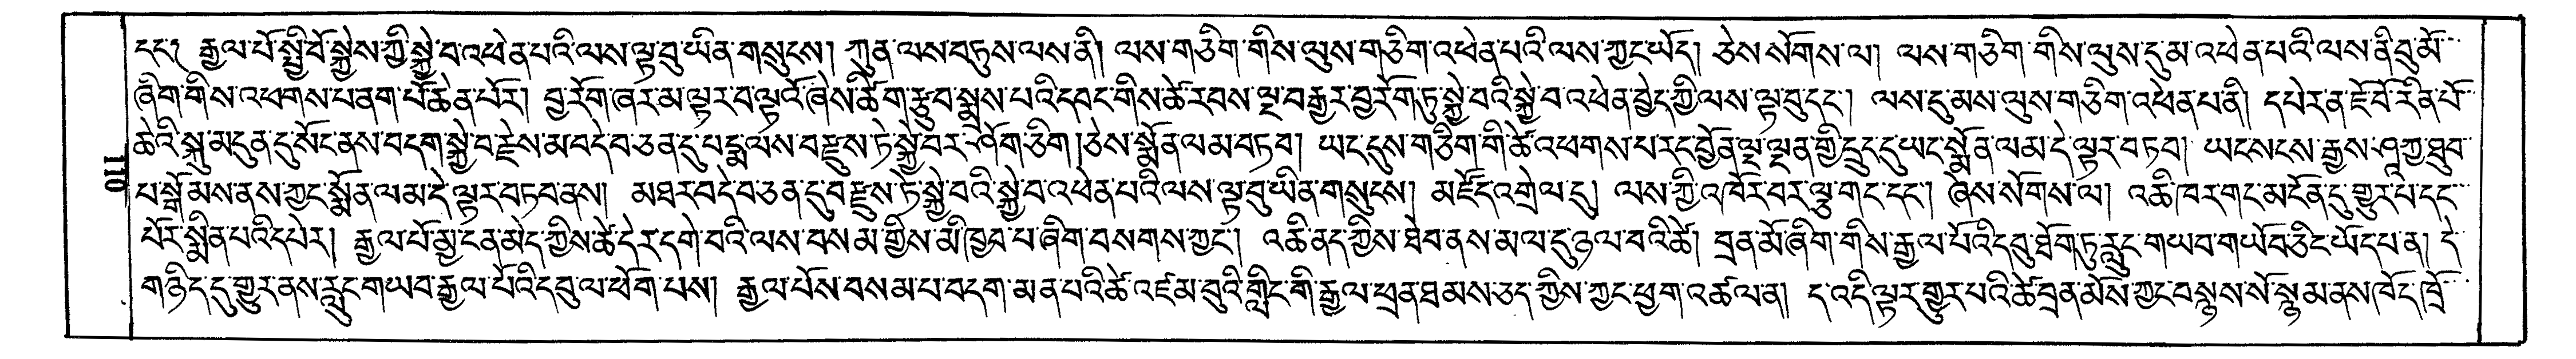དང་། རྒྱལ་པོ་སྤྱི་བོ་སྐྱེས་ཀྱི་སྐྱེ་བ་འཕེན་པའི་ལས་ལྟ་བུ་ཡིན་གསུངས། ཀུན་ལས་བཏུས་ལས་ནི། ལས་གཅིག་གིས་ལུས་གཅིག་འཕེན་པའི་ལས་ཀྱང་ཡོད། ཅེས་སོགས་ལ། ལས་གཅིག་གིས་ལུས་དུ་མ་འཕེན་པའི་ལས་ནི་བུ་མོ་
ཞིག་གིས་འཕགས་པ་ནག་པོ་ཆེན་པོར། བྱ་རོག་ཞར་མ་ལྟར་བལྟའོ་ཞེས་ཚིག་རྩུབ་སྨྲས་པའི་དབང་གིས་ཚེ་རབས་ལྔ་བརྒྱར་བྱ་རོག་ཏུ་སྐྱེ་བའི་སྐྱེ་བ་འཕེན་བྱེད་ཀྱི་ལས་ལྟ་བུ་དང་། ལས་དུ་མས་ལུས་གཅིག་འཕེན་པ་ནི། དཔེར་ན་ཇོ་བོ་རིན་པོ་
ཆེའི་སྐུ་མདུན་དུ་སོང་ནས་བདག་སྐྱེ་བ་རྗེས་མ་བདེ་བ་ཅན་དུ་པདམ་ལས་བརྩུས་ཏེ་སྐྱེ་བར་ཤོག་ཅིག་ཅེས་སྨོན་ལམ་བཏབ། ཡང་དུས་གཅིག་གི་ཚེ་འཕགས་པ་རང་བྱོན་ལྔ་ལྡན་གྱི་དྲུང་དུ་ཡང་སྨོན་ལམ་དེ་ལྟར་བཏབ། ཡང་སངས་རྒྱས་ཤཱཀྱ་ཐུབ་
པ་སྒོམས་ནས་ཀྱང་སྨོན་ལམ་དེ་ལྟར་བཏབ་ནས། མཐར་བདེ་བ་ཅན་བརྫུས་ཏེ་སྐྱེ་བའི་སྐྱེ་བ་འཕེན་པའི་ལས་ལྟ་བུ་ཡིན་གསུངས། མཛོད་འགྲེལ་དུ། ལས་ཀྱི་འཁོར་བར་ལྕི་གང་དང་། ཞེས་སོགས་ལ། འཆི་ཁར་གང་མངོན་དུ་གྱུར་པ་དང་
པོར་སྨིན་པའི་དཔེར། རྒྱལ་པོ་མྱ་ངན་མེད་ཀྱིས་ཚེ་དེར་དགེ་བའི་ལས་བསམ་གྱིས་མི་ཁྱབ་པ་ཞིག་བསགས་ཀྱང་། འཆི་ནད་ཀྱིས་ཐེབ་ནས་མལ་དུ་ཉལ་བའི་ཚེ། བྲན་མོ་ཞིག་གིས་རྒྱལ་པོའི་དབུ་ཐོག་ཏུ་རླུང་གཡབ་གཡོབ་ཅིང་ཡོད་པ་ན། དེ་
གཉིད་དུ་གྱུར་ནས་རླུང་གཡབ་རྒྱལ་པོའི་དབུ་ལ་ཕོག་པས། རྒྱལ་པོས་བསམ་པ་བདག་མ་ན་བའི་ཚེ་འཛམ་བུའི་གླིང་གི་རྒྱལ་ཕྲན་ཐམས་ཅད་ཀྱིས་ཀྱང་ཕྱག་འཚལ་ན། ད་འདི་ལྟར་གྱུར་པའི་ཚོ་བྲན་མོས་ཀྱང་བསྙས་སོ་སྙམ་ནས་ཁོང་ཁྲོ་